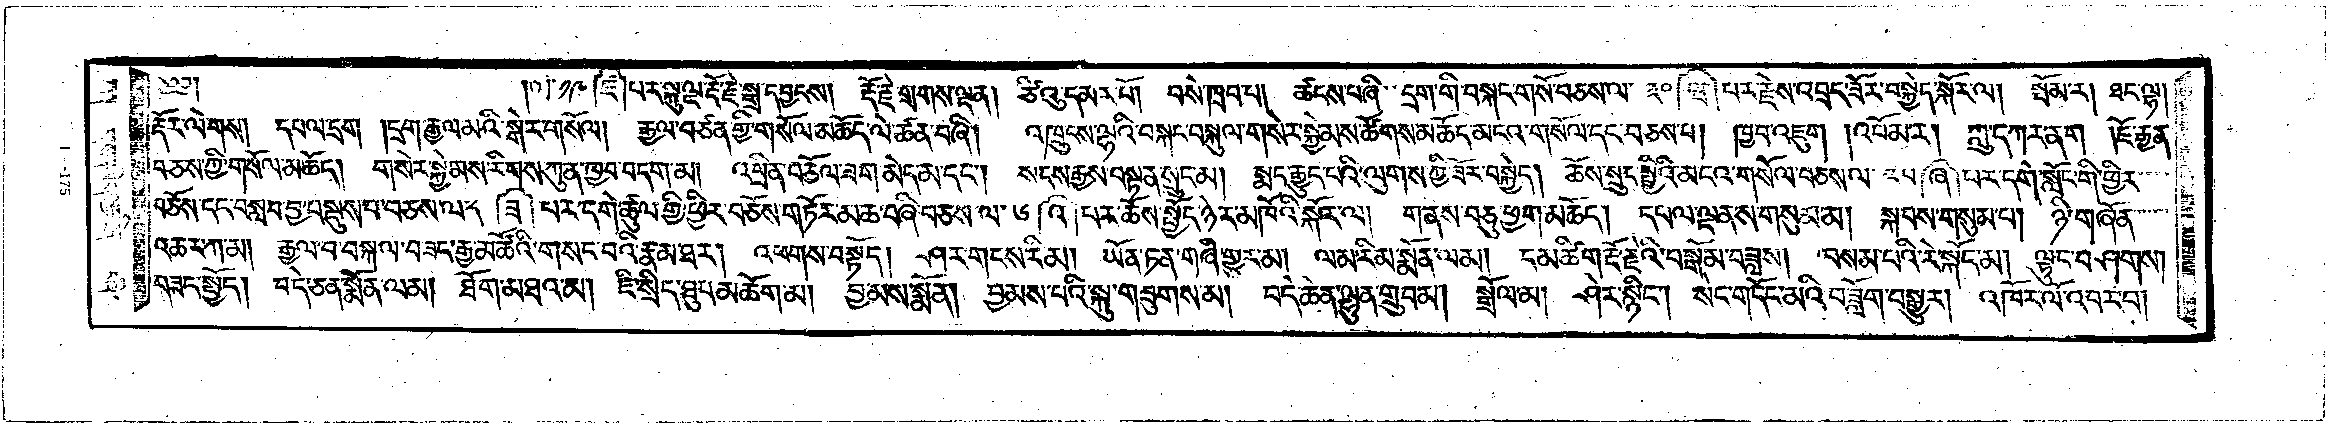༄༅། །ལ ༡༩ ༼ཛ༽ པར་སྐུ་ལྔ་རྡོ་རྗེ་སྒྲ་དབྱངས། རྡོ་རྗེ་གྲགས་ལྡན། ཙིའུ་དམར་པོ། བསྲེ་ཁྲབ་པ། ཚངས་བཞི་དྲག་གི་བསྐང་གསོ་བཅས་ལ ༣༠ ༼ཝ༽ པར་རྗེས་འབྲང་ཟོར་བསྐྱེད་སྐོར་ལ། སྦོམ་ར། ཐང་ལྷ།
རྡོར་ལེགས། དཔལ་དྲག །དྲག་རྒྱལ་མའི་སྒེར་གསོལ། རྒྱལ་མྩན་གྱི་གསོལ་མཆོད་ལེ་ཚན་བཞི། འཁྲུངས་ལྷའི་བསྐང་བསྐུལ་གསེར་སྐྱེམས་ཚོགས་མཆོད་མངའ་གསོལ་དང་བཅས་པ། ཁྱབ་འཇུག །འབོམ་ར། ཀླུ་དཀར་ནག །ཇོ་རྒྱན་
བཅས་ཀྱི་གསོལ་མཆོད། གསེར་སྐྱེམས་རིགས་ཀུན་ཁྱབ་བདག་མ། འཕྲིན་བཅོལ་ཟག་མེད་མ་དང་། སངས་རྒྱས་བསྟན་སྲུང་མ། སྨད་རྒྱུད་པའི་ལུགས་ཀྱི་ཟོར་བསྐྱེད། ཆོས་སྲུང་སྤྱིའི་མངའ་གསོལ་བཅས་ལ ༢༥ ༼ཞ༽ པར་དགེ་སློང་གི་ཕྱིར་
བཅོས་དང་བསླབ་བྱ་བསྡུས་བ་བཅས་ལ ༨ ༼ཟ༽ པར་དགེ་ཚུལ་གྱི་ཕྱིར་བཅོས་གཏོར་མ་ཆ་བཞི་བཅས་ལ ༦ ༼འ༽ པར་ཆོས་སྤྱོད་ཉེར་མཁོའི་སྐོར་ལ། གནས་བཅུ་ཕྱག་མཆོད། དཔལ་ལྡན་ས་གསུམ་མ། སྐབས་གསུམ་པ། ཉི་གཞོན་
འཆར་ཀ་མ། རྒྱལ་བ་བསྐལ་བཟང་རྒྱ་མཚོའི་གསང་བའི་རྣམ་ཐར། འཕགས་བསྟོད། ཤར་གངས་རིམ། ཡོན་ཏན་གཞི་གྱུར་མ། ལམ་རིམ་སྨོན་ལམ། དམ་ཚིག་རྡོ་རྗེའི་བསྒོམ་བཟླས། བསམ་པའི་རེ་སྐོང་མ། ལྟུང་བཤགས།
བཟང་སྤྱོད། བདེ་ཅན་སྨོན་ལམ། ཐོག་མཐའ་མ། ཇི་སྲིད་ཐུབ་མཆོག་མ། བྱ་མས་སྨོན། བྱམས་པའི་སྐུ་གཟུགས་མ། བདེ་ཆེན་ལྷུན་གྲུབ་མ། སྒྲོལ་མ། ཤེར་སྙིང་། སེང་གདོང་མའི་བཟློག་བསྒྱུར། འཁོར་ལོ་འབར་བ།